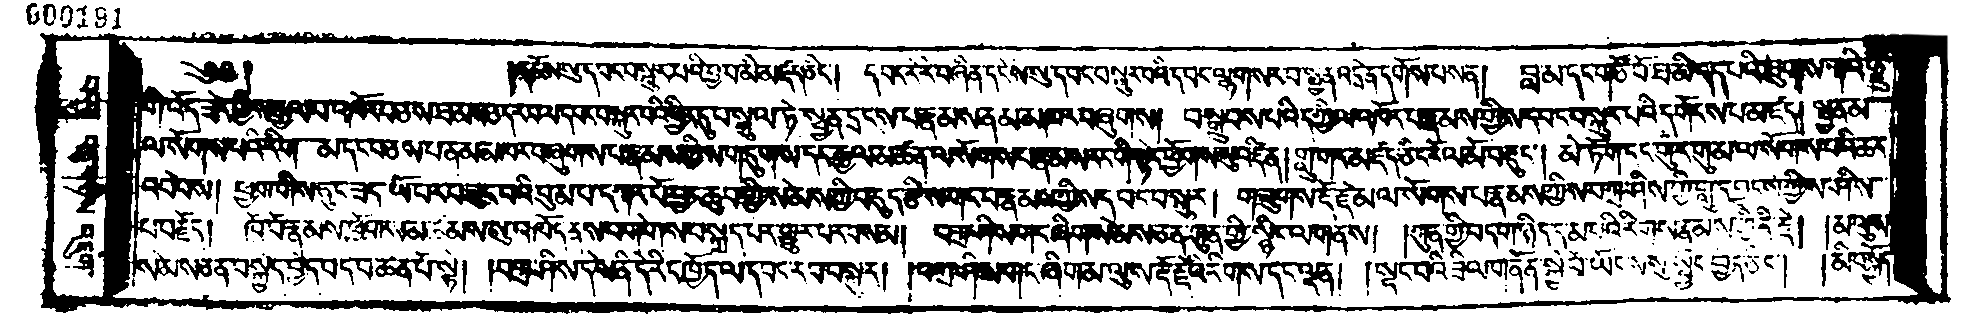༄༅། །དངོས་སུ་དབང་བསྐུར་པའི་བྱ་བ་མི་མཛད་ཅིང་། དབང་རེ་རེ་བཞིན་དངོས་སུ་དབང་བསྐུར་བའི་དབང་ལྷ་གསར་བ་སྤྱན་འདྲེན་དགོས་པས་ན། བླ་མ་དང་གཙོ་བོ་ཐ་མི་དད་པའི་ཐུགས་ཀའི་ཧཱུཾ་
གི་འོད་ཟེར་གྱིས་རྒྱལ་བ་འཁོར་བཅས་ཐམས་ཅད་རང་ལ་དབང་བསྐུར་བའི་ཕྱིར་དུ་བསྐུལ་ཏེ་སྤྱན་དྲངས་པ་རྣམས་ནམ་མཁར་བཞུགས། བསྒྲུབས་པའི་དཀྱིལ་འཁོར་པ་རྣམས་ཀྱིས་དབང་བསྐུར་པའི་དགོངས་པ་མཛད། སྤྱན་མ་
ལ་སོགས་པའི་རིག་མ་དང་བཅས་པ་ནམ་མཁར་བཞུགས་པ་རྣམས་ཀྱིས་གདུགས་དང་རྒྱལ་མཚན་ལ་སོགས་པ་རྣམས་རང་གི་སྟེང་ཕྱོགས་སུ་འཛིན། གླུ་གར་མཛད་ཅིང་རོལ་མོ་བརྡུང་། མེ་ཏོག་དང་གུར་གུམ་ལ་སོགས་པའི་ཆར་
འབེབས། ཕྱག་གིས་ཅུང་ཟད་ཡོ་བར་བཟུང་བའི་བུམ་པ་དཀར་པོ་བྱང་ཆུབ་ཀྱི་སེམས་ཀྱི་བདུད་རྩིས་གང་བ་རྣམས་ཀྱིས་དབང་བསྐུར། གཟུགས་རྡོ་རྗེ་མལ་སོགས་པ་རྣམས་ཀྱིས་བཀྲ་ཤིས་ཀྱི་གླུ་དབྱངས་ཀྱིས་ཤིས་
པ་བརྗོད། ཁྲོ་བོ་རྣམས་ཕྱོགས་མཚམས་སུ་འཁོད་ནས་བགེགས་བསྐྲད་པར་གྱུར་པར་བསམ། བཀྲ་ཤིས་གང་ཞིག་སེམས་ཅན་ཀུན་གྱི་སྙིང་ལ་གནས། །ཀུན་གྱི་བདག་ཉིད་དམ་པའི་རིགས་རྣམས་ཀྱི་ནི་རྗེ། །མ་ལུས་
སེམས་ཅན་བསྐྱེད་བྱེད་བདེ་བ་ཆེན་པོ་སྟེ། །བཀྲ་ཤིས་དེས་ནི་དེ་རིང་ཁྱོད་ལ་དབང་རབ་བསྐུར། །བཀྲ་ཤིས་གང་ཞིག་མ་ལུས་རྡོ་རྗེའི་རིགས་དང་ལྡན། །སྡང་བའི་ཟིལ་གནོན་སྐྱེ་བོ་ཡོངས་སུ་སྤྱོད་བྱེད་ཅིང་། །མི་བསྐྱོད་